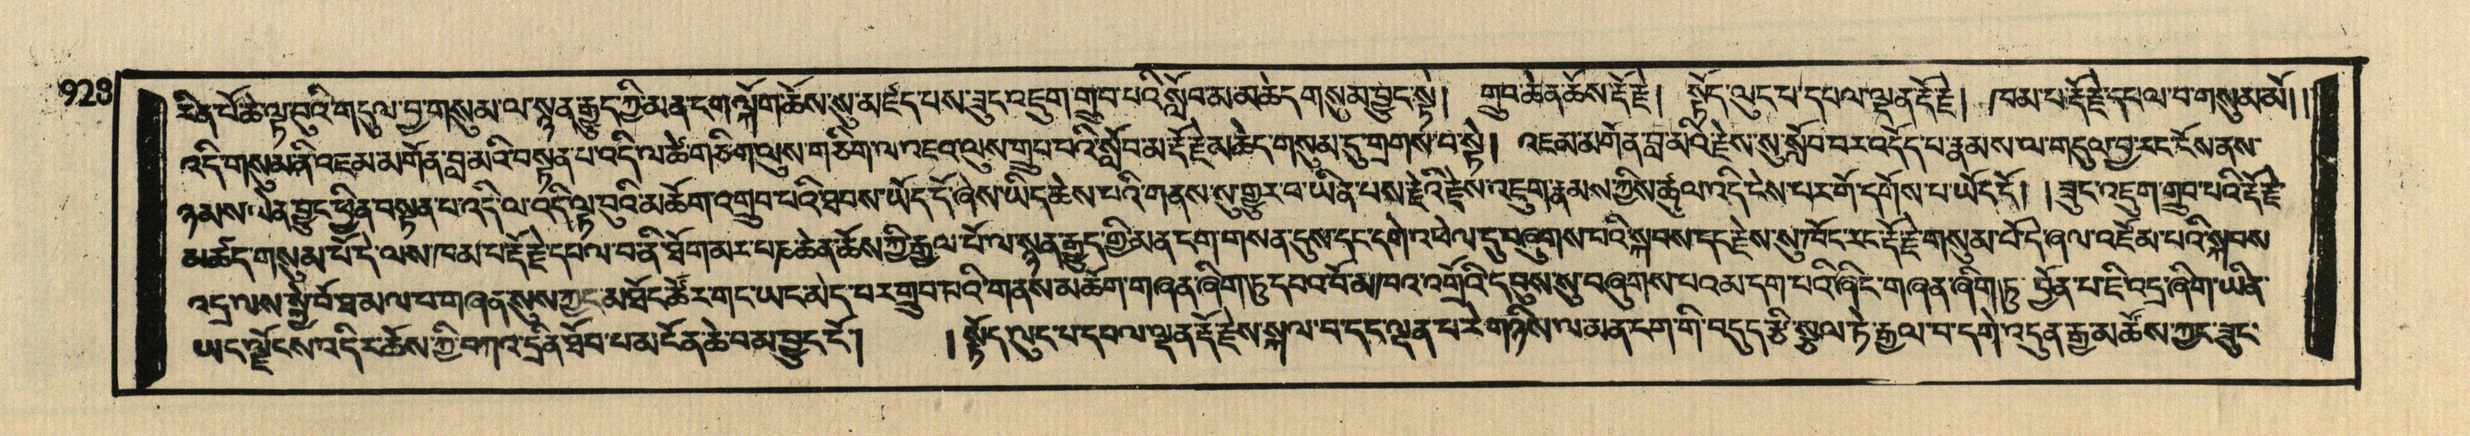རིན་པོ་ཆེ་ལྟ་བུའི་གདུལ་བྱ་གསུམ་ལ་སྙན་རྒྱུད་ཀྱི་མན་ངག་ལྐོག་ཆོས་སུ་མཛད་པས་ཟུང་འཇུག་གྲུབ་པའི་སློབ་མ་མཆེད་གསུམ་བྱུང་སྟེ། གྲུབ་ཆེན་ཆོས་རྡོ་རྗེ། སྟོད་ལུང་པ་དཔལ་ལྡན་རྡོ་རྗེ། ཁམ་པ་རྡོ་རྗེ་དཔལ་བ་གསུམ་མོ། །
འདི་གསུམ་ནི་འཇམ་མགོན་བླ་མའི་བསྟན་པ་འདི་ལ་ཚེ་གཅིག་ལུས་གཅིག་ལ་འཇའ་ལུས་གྲུབ་པའི་སློབ་མ་རྡོ་རྗེ་མཆེད་གསུམ་དུ་གྲགས་པ་སྟེ། འཇམ་མགོན་བླ་མའི་རྗེས་སུ་སློབ་བར་འདོད་པ་རྣམས་ལ་གདུལ་བྱ་རང་ངོས་ནས་
ཉམས་ལེན་བྱུང་ཕྱིན་བསྟན་པ་འདི་ལ་འདི་ལྟ་བུའི་མཆོག་འགྲུབ་པའི་ཐབས་ཡོད་དོ་ཞེས་ཡིད་ཆེས་པའི་གནས་སུ་གྱུར་བ་ཡིན་པས་ཡྲྗེའི་རྗེས་འཇུག་རྣམས་ཀྱིས་ཚུལ་འདི་ངེས་པར་གོ་དགོས་པ་ཡོད་དོ། །ཟུང་འཇུག་གྲུབ་པའི་རྡོ་རྗེ་
མཚད་གསུམ་པོ་དེ་ལས་ཁམ་པ་རྡོ་རྗེ་དཔལ་བ་ནི་ཐོག་མར་པཎ་ཆེན་ཆོས་ཀྱི་རྒྱལ་པོ་ལ་སྙན་རྒྱུད་གྱི་མན་ངག་གསན་དུས་དང་དགེ་འཕེལ་དུ་བཞུགས་པའི་སྐབས་དང་རྗེས་སུ་ཁོང་རང་རྡོ་རྗེ་གསུམ་པོ་དེ་ཞལ་འཛོམ་པའི་སྐབས་
འདྲ་ལས་སྐྱེ་བོ་ཐ་མལ་བ་གཞན་སུས་ཀྱང་མཐོང་ཚོར་གང་ཡང་མེད་པར་གྲུབ་པའི་གནས་མཆོག་གཞན་ཞིག་ཏུ་དཔའ་བོ་མཁའ་འགྲོའི་དབུས་སུ་བཞུགས་པའམ་དག་པའི་ཞིང་གཞན་ཞིག་ཏུ་བྱོན་པ་ཇི་འདྲ་ཞིག་ཡིན་
ཡང་ལྗོངས་འདིར་ཆོས་ཀྱི་བཀའ་དྲིན་ཐོབ་པ་མངོན་ཆེ་བ་མ་བྱུང་ངོ། །སྟོད་ལུང་པ་དཔལ་ལྡན་རྡོ་རྗེས་སྐལ་བ་དང་ལྡན་པ་རེ་གཉིས་ལ་མན་ངག་གི་བདུད་རྩི་སྩལ་ཏེ་རྒྱལ་བ་དགེ་འདུན་རྒྱ་མཚོས་ཀྱང་ཟུང་